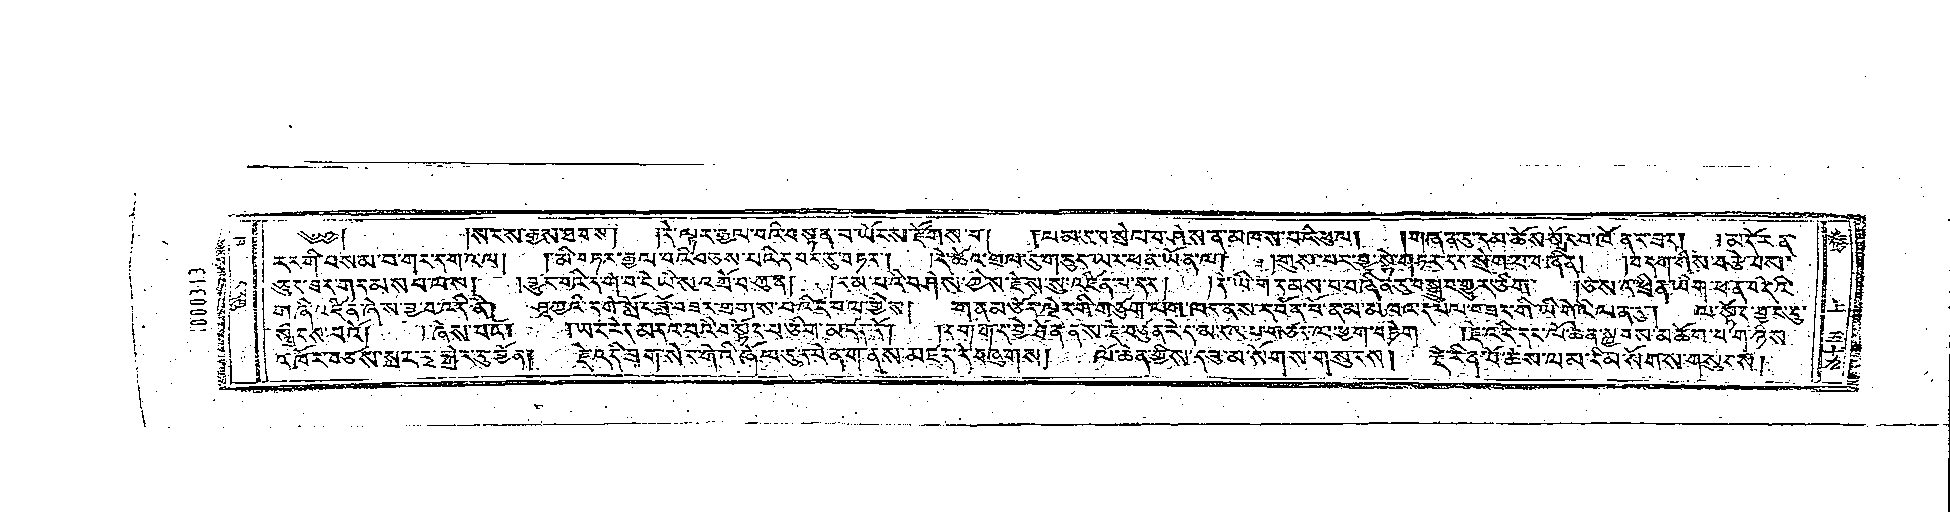༄༅། །སངས་རྒྱས་ཐབས། །དེ་ལྟར་རྒྱལ་བའི་བསྟན་པ་ཡོངས་རྫོགས་པ། །ལམ་དུ་བསྲེལ་བ་ཤེས་ན་མཁས་པའི་ཕུལ། །གཞན་དུ་དམ་ཆོས་སྤོང་བ་ཁོ་ནར་ཟང་། །མདོར་ན་
རང་གི་བསམ་བ་གང་དགའ་ལ། །མི་བཏང་རྒྱལ་བའི་བཅས་པའི་དབང་དུ་བཏང་། །དེ་ཚེ་འཕྲལ་དུ་གདུང་ཡང་ཕན་ཡོན་ལ། །གུས་པར་བྱ་སྟེ་གཏར་དང་སྲེག་པ་བཞིན། །བདག་གིས་བརྩེ་བས་
ཅུང་ཟད་གདམས་པ་ལས། །བྱུང་བའི་དགེ་བ་ངེ་ཡིས་འགྲོ་བ་ཀུན། །དམ་པའི་བཤེས་ཀྱིས་རྗེས་སུ་འཛིན་པ་དང་། །དེ་ཡི་གདམས་པ་བཞིན་དུ་བསྒྲུབ་གྱུར་ཅིག །ཅེས་འཕྲིན་ཡིག་ཕན་བདེའི་
གཞི་འཛིན་ཞེས་བྱ་བ་འདི་ནི། ཤཱཀྱའི་དགེ་སློང་བློ་བཟང་གྲགས་པའི་དཔལ་གྱིས། གནམ་ཅོད་ལྡེང་གི་གཙུག་ལག་ཁང་ནས་དབོན་བོ་ནམ་མཁའ་དཔལ་བཟང་གི་ཡི་གེའི་ལན་དུ། ལ་སྟོང་བྱང་དུ་
སྤྲིངས་པའོ། །ཞེས་པའོ། །ཡང་རེད་མདའ་བའི་བསྟོང་པ་ཅིག་མཛད་དོ། །དགག་དབྱེ་ཐོན་ནས་རྗེ་བཙུན་རེད་མདའ་པ་གཙང་ལ་ཕྱག་བཏེག །རྗེ་འདི་དང་ལོ་ཆེན་སྐྱབས་མཆོག་པ་གཉིས་
འཁོར་བཅས་སླར་རྭ་སྒྲེང་དུ་བྱོན། རྗེ་འདི་བྲག་སེང་གེའི་ཞོལ་དུ་དཔེན་ག་ནས་མཛད་དེ་བཞུགས། ལོ་ཆེན་གྱིས་དབུ་མ་སོགས་གསུངས། རྗེ་རིན་པོ་ཆེས་ལམ་རིམ་སོགས་གསུངས།